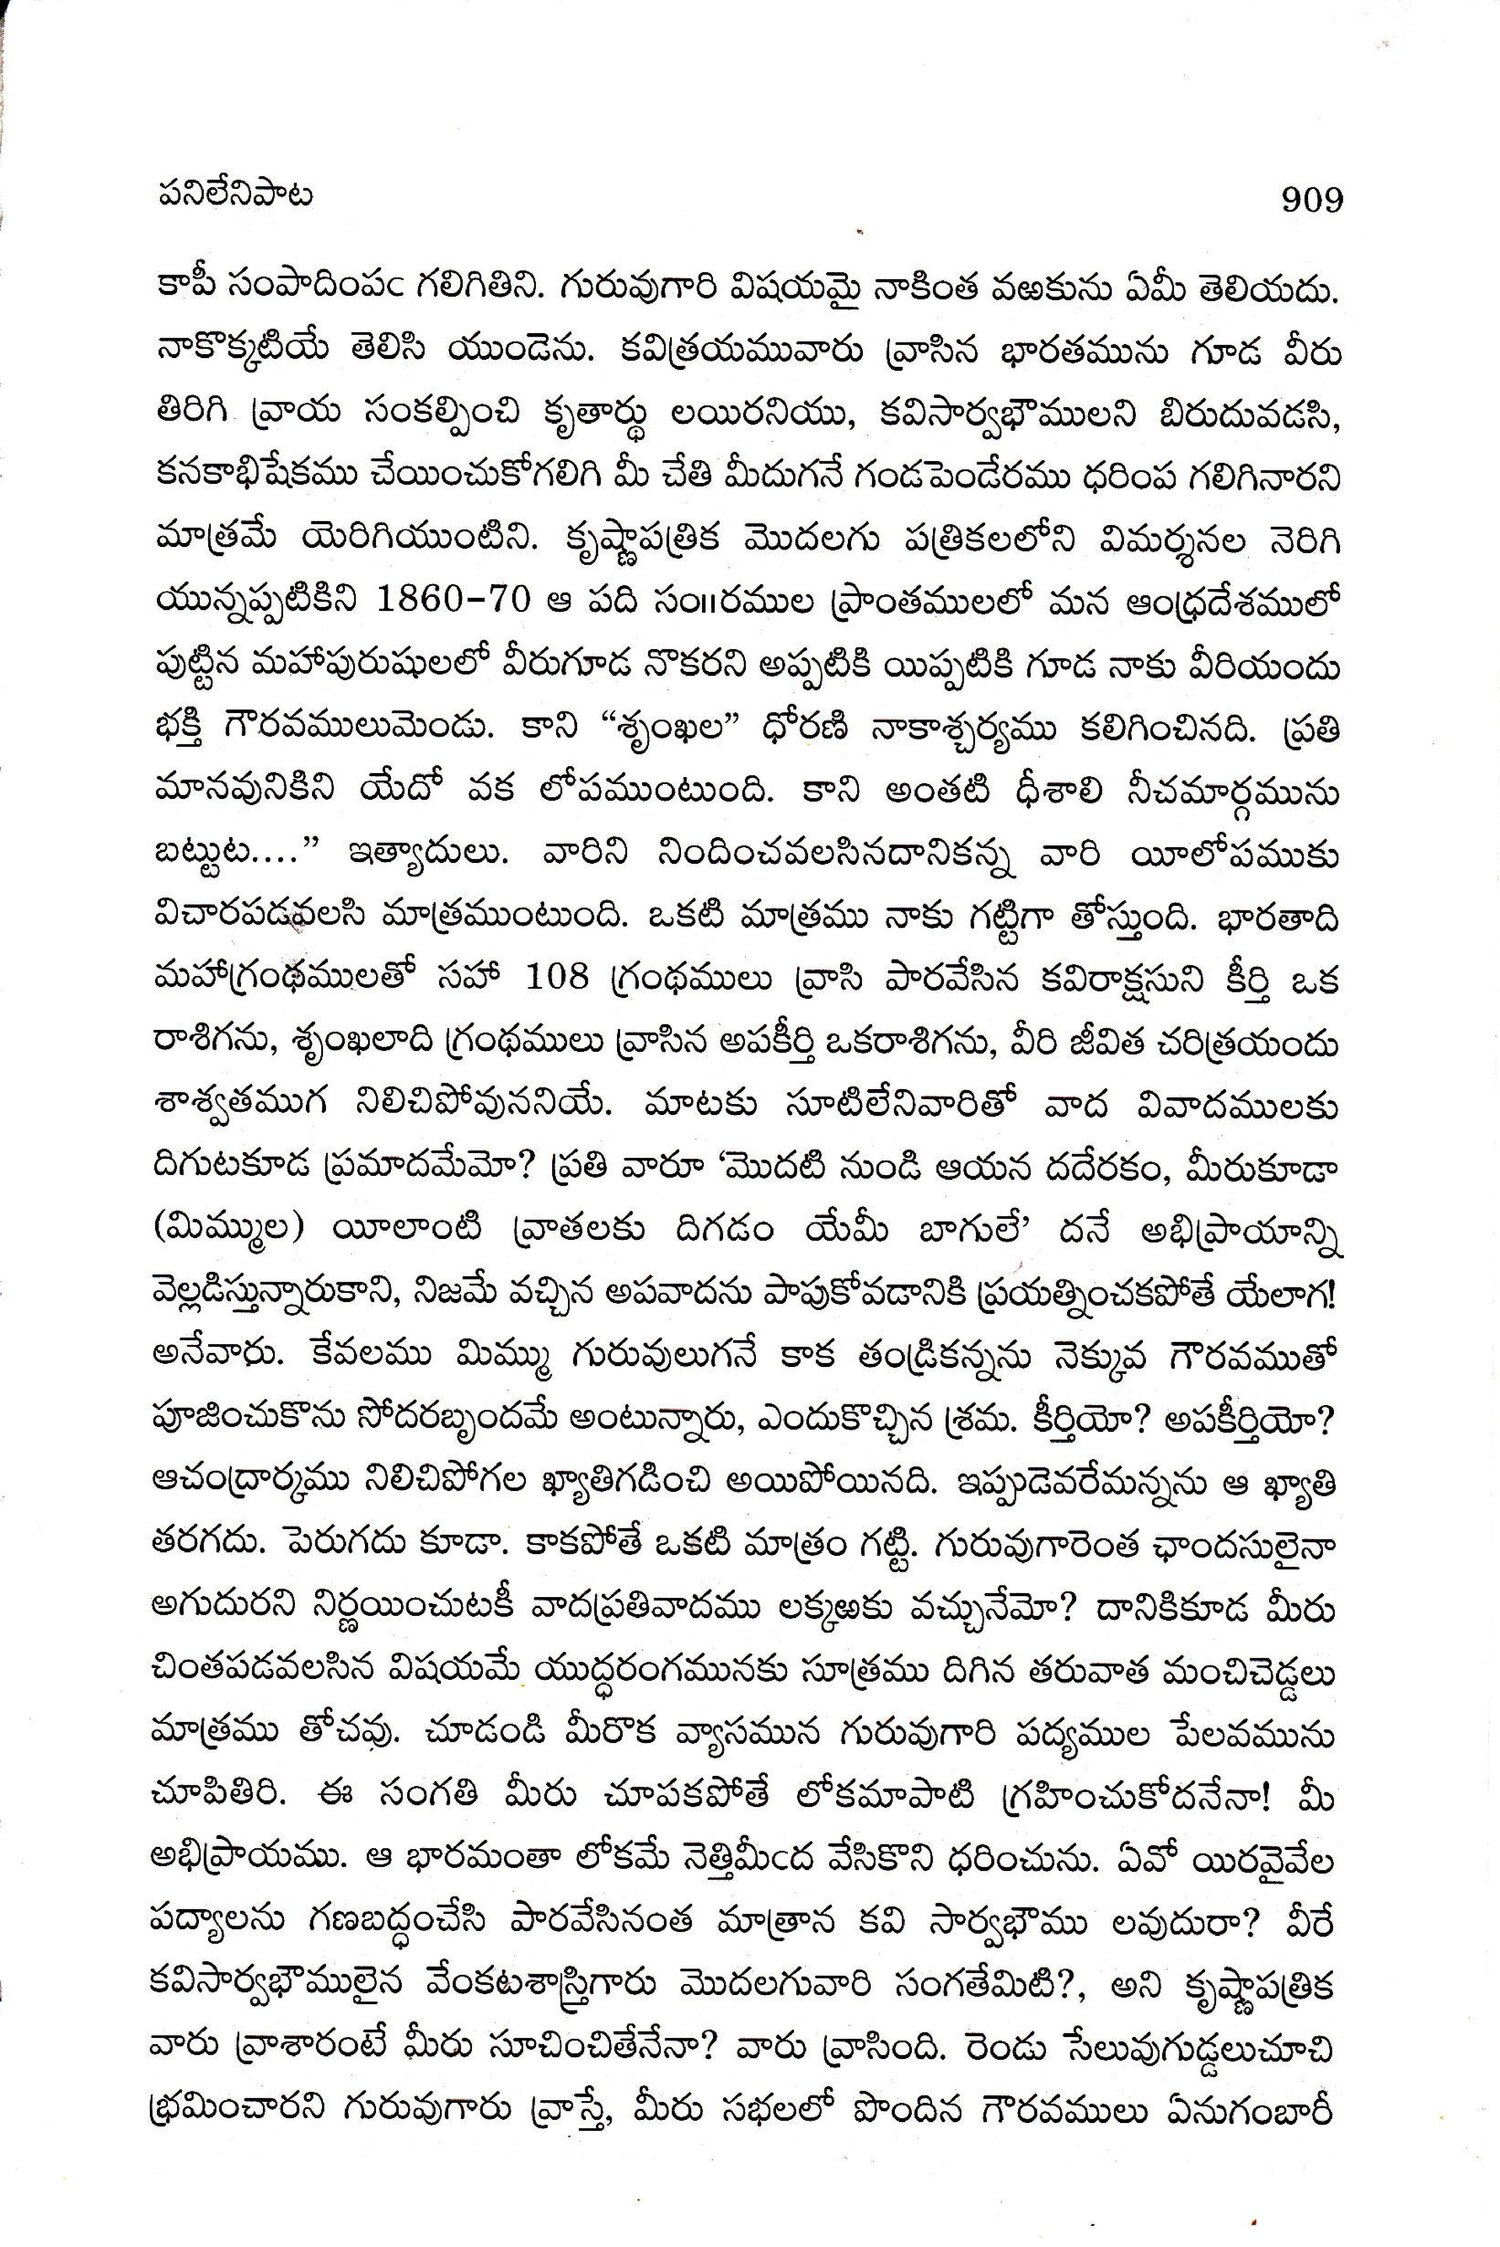కాపీ సంపాదింపఁ గలిగితిని. గురువుగారి విషయమై నాకింత వఱకును ఏమీ తెలియదు. నాకొక్కటియే తెలిసి యుండెను. కవిత్రయమువారు వ్రాసిన భారతమును గూడ వీరు తిరిగి వ్రాయ సంకల్పించి కృతార్థు లయిరనియు, కవిసార్వభౌములని బిరుదువడసి, కనకాభిషేకము చేయించుకోగలిగి మీ చేతి మీదుగనే గండపెండేరము ధరింప గలిగినారని మాత్రమే యెరిగియుంటిని. కృష్ణాపత్రిక మొదలగు పత్రికలలోని విమర్శనల నెరిగి యున్నప్పటికిని 1860-70 ఆ పది సంllరముల ప్రాంతములలో మన ఆంధ్రదేశములో పుట్టిన మహాపురుషులలో వీరుగూడ నొకరని అప్పటికి యిప్పటికి గూడ నాకు వీరియందు భక్తి గౌరవములుమెండు. కాని "శృంఖల" ధోరణి నాకాశ్చర్యము కలిగించినది. ప్రతి మానవునికిని యేదో వక లోపముంటుంది. కాని అంతటి ధీశాలి నీచమార్గమును బట్టుట..." ఇత్యాదులు. వారిని నిందించవలసినదానికన్న వారి యీలోపముకు విచారపడవలసి మాత్రముంటుంది. ఒకటి మాత్రము నాకు గట్టిగా తోస్తుంది. భారతాది మహాగ్రంథములతో సహా 108 గ్రంథములు వ్రాసి పారవేసిన కవిరాక్షసుని కీర్తి ఒక రాశిగను, శృంఖలాది గ్రంథములు వ్రాసిన అపకీర్తి ఒకరాశిగను, వీరి జీవిత చరిత్రయందు శాశ్వతముగ నిలిచిపోవుననియే. మాటకు సూటిలేనివారితో వాద వివాదములకు దిగుటకూడ ప్రమాదమేమో? ప్రతి వారూ 'మొదటి నుండి ఆయన దదేరకం, మీరుకూడా (మిమ్ముల) యీలాంటి వ్రాతలకు దిగడం యేమీ బాగులే' దనే అభిప్రాయాన్ని వెల్లడిస్తున్నారుకాని, నిజమే వచ్చిన అపవాదను పాపుకోవడానికి ప్రయత్నించకపోతే యేలాగ! అనేవారు. కేవలము మిమ్ము గురువులుగనే కాక తండ్రికన్నను నెక్కువ గౌరవముతో పూజించుకొను సోదరబృందమే అంటున్నారు, ఎందుకొచ్చిన శ్రమ. కీర్తియో? అపకీర్తియో? ఆచంద్రార్కము నిలిచిపోగల ఖ్యాతిగడించి అయిపోయినది. ఇప్పుడెవరేమన్నను ఆ ఖ్యాతి తరగదు. పెరుగదు కూడా. కాకపోతే ఒకటి మాత్రం గట్టి, గురువుగారెంత ఛాందసులైనా అగుదురని నిర్ణయించుటకీ వాదప్రతివాదము లక్కఱకు వచ్చునేమో? దానికికూడ మీరు చింతపడవలసిన విషయమే యుద్ధరంగమునకు సూత్రము దిగిన తరువాత మంచిచెడ్డలు మాత్రము తోచవు. చూడండి మీరొక వ్యాసమున గురువుగారి పద్యముల పేలవమును చూపితిరి. ఈ సంగతి మీరు చూపకపోతే లోకమాపాటి గ్రహించుకోదనేనా! మీ అభిప్రాయము. ఆ భారమంతా లోకమే నెత్తిమీఁద వేసికొని ధరించును. ఏవో యిరవైవేల పద్యాలను గణబద్ధంచేసి పారవేసినంత మాత్రాన కవి సార్వభౌము లవుదురా? వీరే కవిసార్వభౌములైన వేంకటశాస్త్రిగారు మొదలగువారి సంగతేమిటి?, అని కృష్ణాపత్రిక వారు వ్రాశారంటే మీరు సూచించితేనేనా? వారు వ్రాసింది. రెండు సేలువుగుడ్డలుచూచి భ్రమించారని గురువుగారు వ్రాస్తే, మీరు సభలలో పొందిన గౌరవములు ఏనుగంబారీ